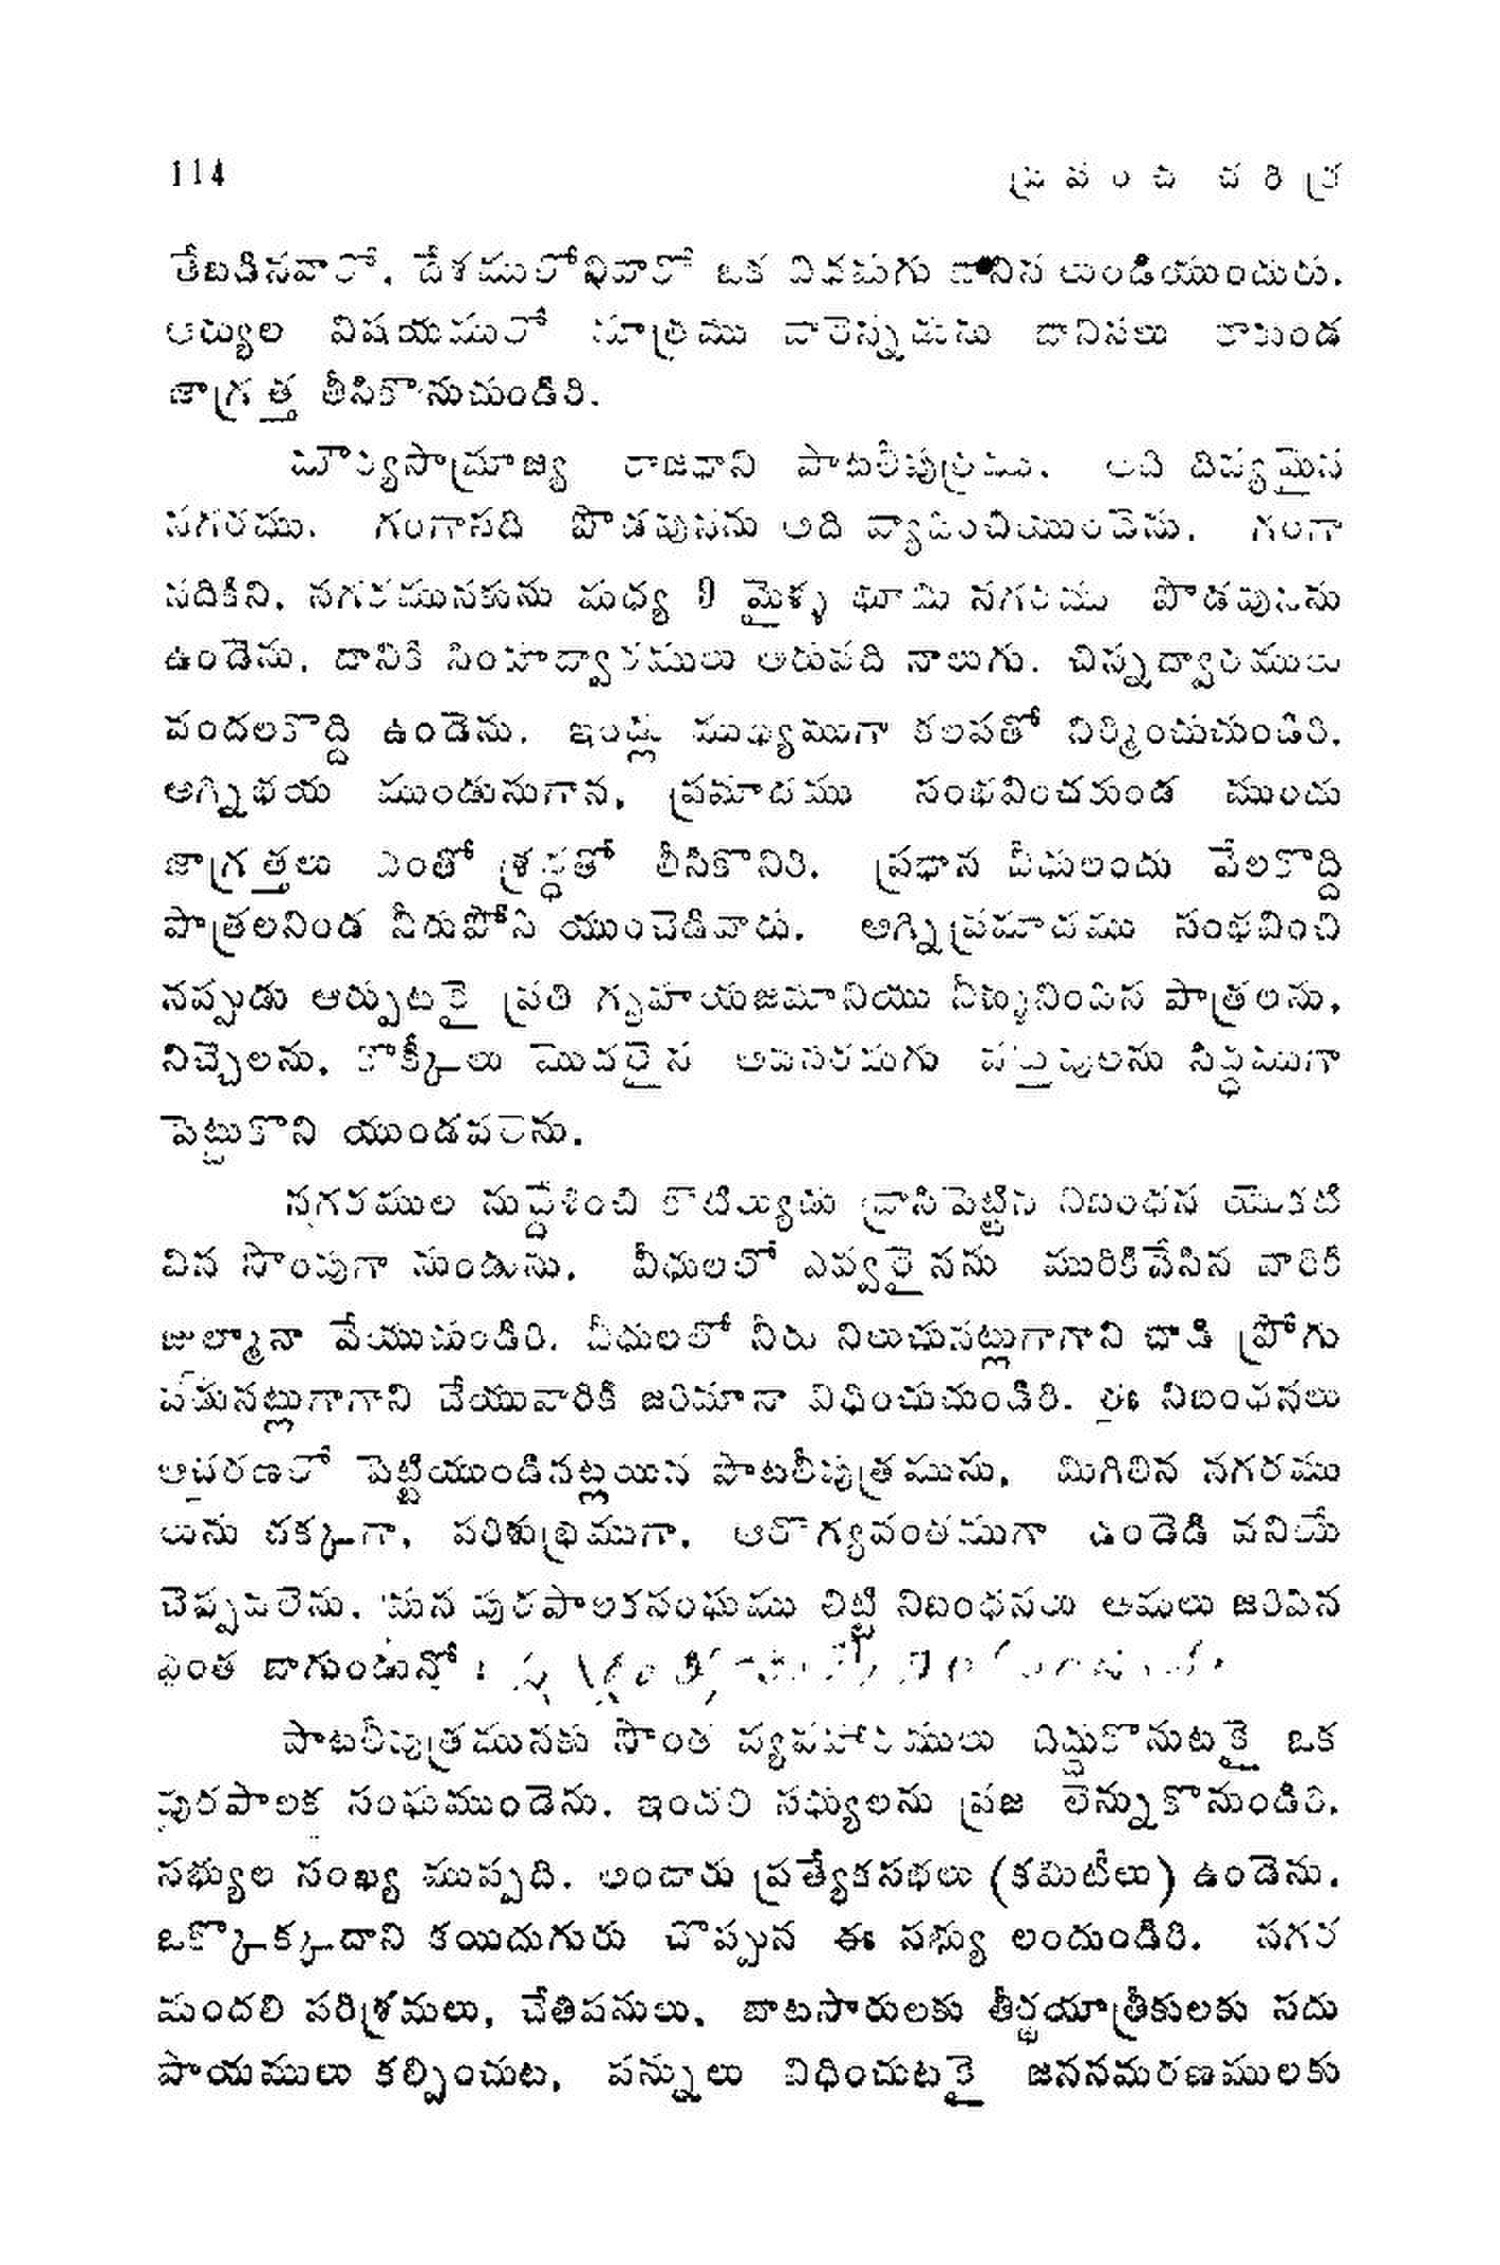తేబడినవారో, దేశములోనివారో ఒక విదమగు బానిస లుండియుందురు. ఆర్యుల విషయములో మాత్రము వారెన్నడును బానిసలు కాకుండ జాగ్రత్త తీసికొనుచుండిరి.

మౌర్యసామ్రాజ్య రాజధాని పాటలీపుత్రము. అది దివ్యమైన నగరము. గంగానది పొడవునను అది వ్యాపించియుండెను. గంగానదికిని, నగరమునకును మధ్య 9 మైళ్ల భూమి నగరము పొడవునను ఉండెను. దానికి సింహద్వారములు అరువది నాలుగు. చిన్నద్వారములు వందలకొద్ది ఉండెను. ఇండ్లు ముఖ్యముగా కలపతో నిర్మించుచుండిరి. అగ్నిభయ ముండునుగాన, ప్రమాదము సంభవించకుండ ముందు జాగ్రత్తలు ఎంతో శ్రద్ధతో తీసికొనిరి. ప్రధాన వీధులందు వేలకొద్ది పాత్రలనిండ నీరుపోసి యుంచెడివారు. అగ్నిప్రమాదము సంభవించినప్పుడు ఆర్పుటకై ప్రతి గృహయజమానియు నీళ్ళునింపిన పాత్రలను నిచ్చెనలను, కొక్కీలు మొదలైన అవసరమగు వస్తువులను సిద్ధముగా పెట్టుకొని యుండవలెను.

నగరముల నుద్దేశించి కౌటిల్యుడు వ్రాసిపెట్టిన నిబంధన యొకటి విన సొంపుగా నుండును. వీధులలో ఎవ్వరైనను మురికివేసిన వారికి జుల్మానా వేయుచుండిరి. వీధులలో నీరు నిలుచునట్లుగాగాని చాడి ప్రోగుపడునట్లుగాని చేయువారికి జరిమానా విధించుచుండిరి. ఈ నిబంధనలు ఆచరణలో పెట్టియుండినట్లయిన పాటలీపుత్రమును, మిగిలిన నగరములును చక్కగా, పరిశుభ్రముగా, ఆరోగ్యవంతముగా ఉండెడి వనియే చెప్పవలెను. మన పురపాలకసంఘము లిట్టి నిబంధనలు అమలు జరిపిన ఎంత బాగుండునో!

పాటలీపుత్రమునకు సొంత వ్యవహారములు దిద్దుకొనుటకై ఒక పురపాలక సంఘముండెను. ఇందలి సభ్యులను ప్రజ లెన్నుకొనుచుండిరి. సభ్యుల సంఖ్య ముప్పది. అందారు ప్రత్యేకసభలు (కమిటీలి) ఉండెను. ఒక్కొక్కదాని కయిదుగురు చొప్పున ఈ సభ్యు లందుండిరి. నగరమందలి పరిశ్రమలు, చేతిపనులు, బాటసారులకు తీర్థయాత్రీకులకు సదుపాయములు కల్పించుట, పన్నులు విధించుటకై జననమరణములకు